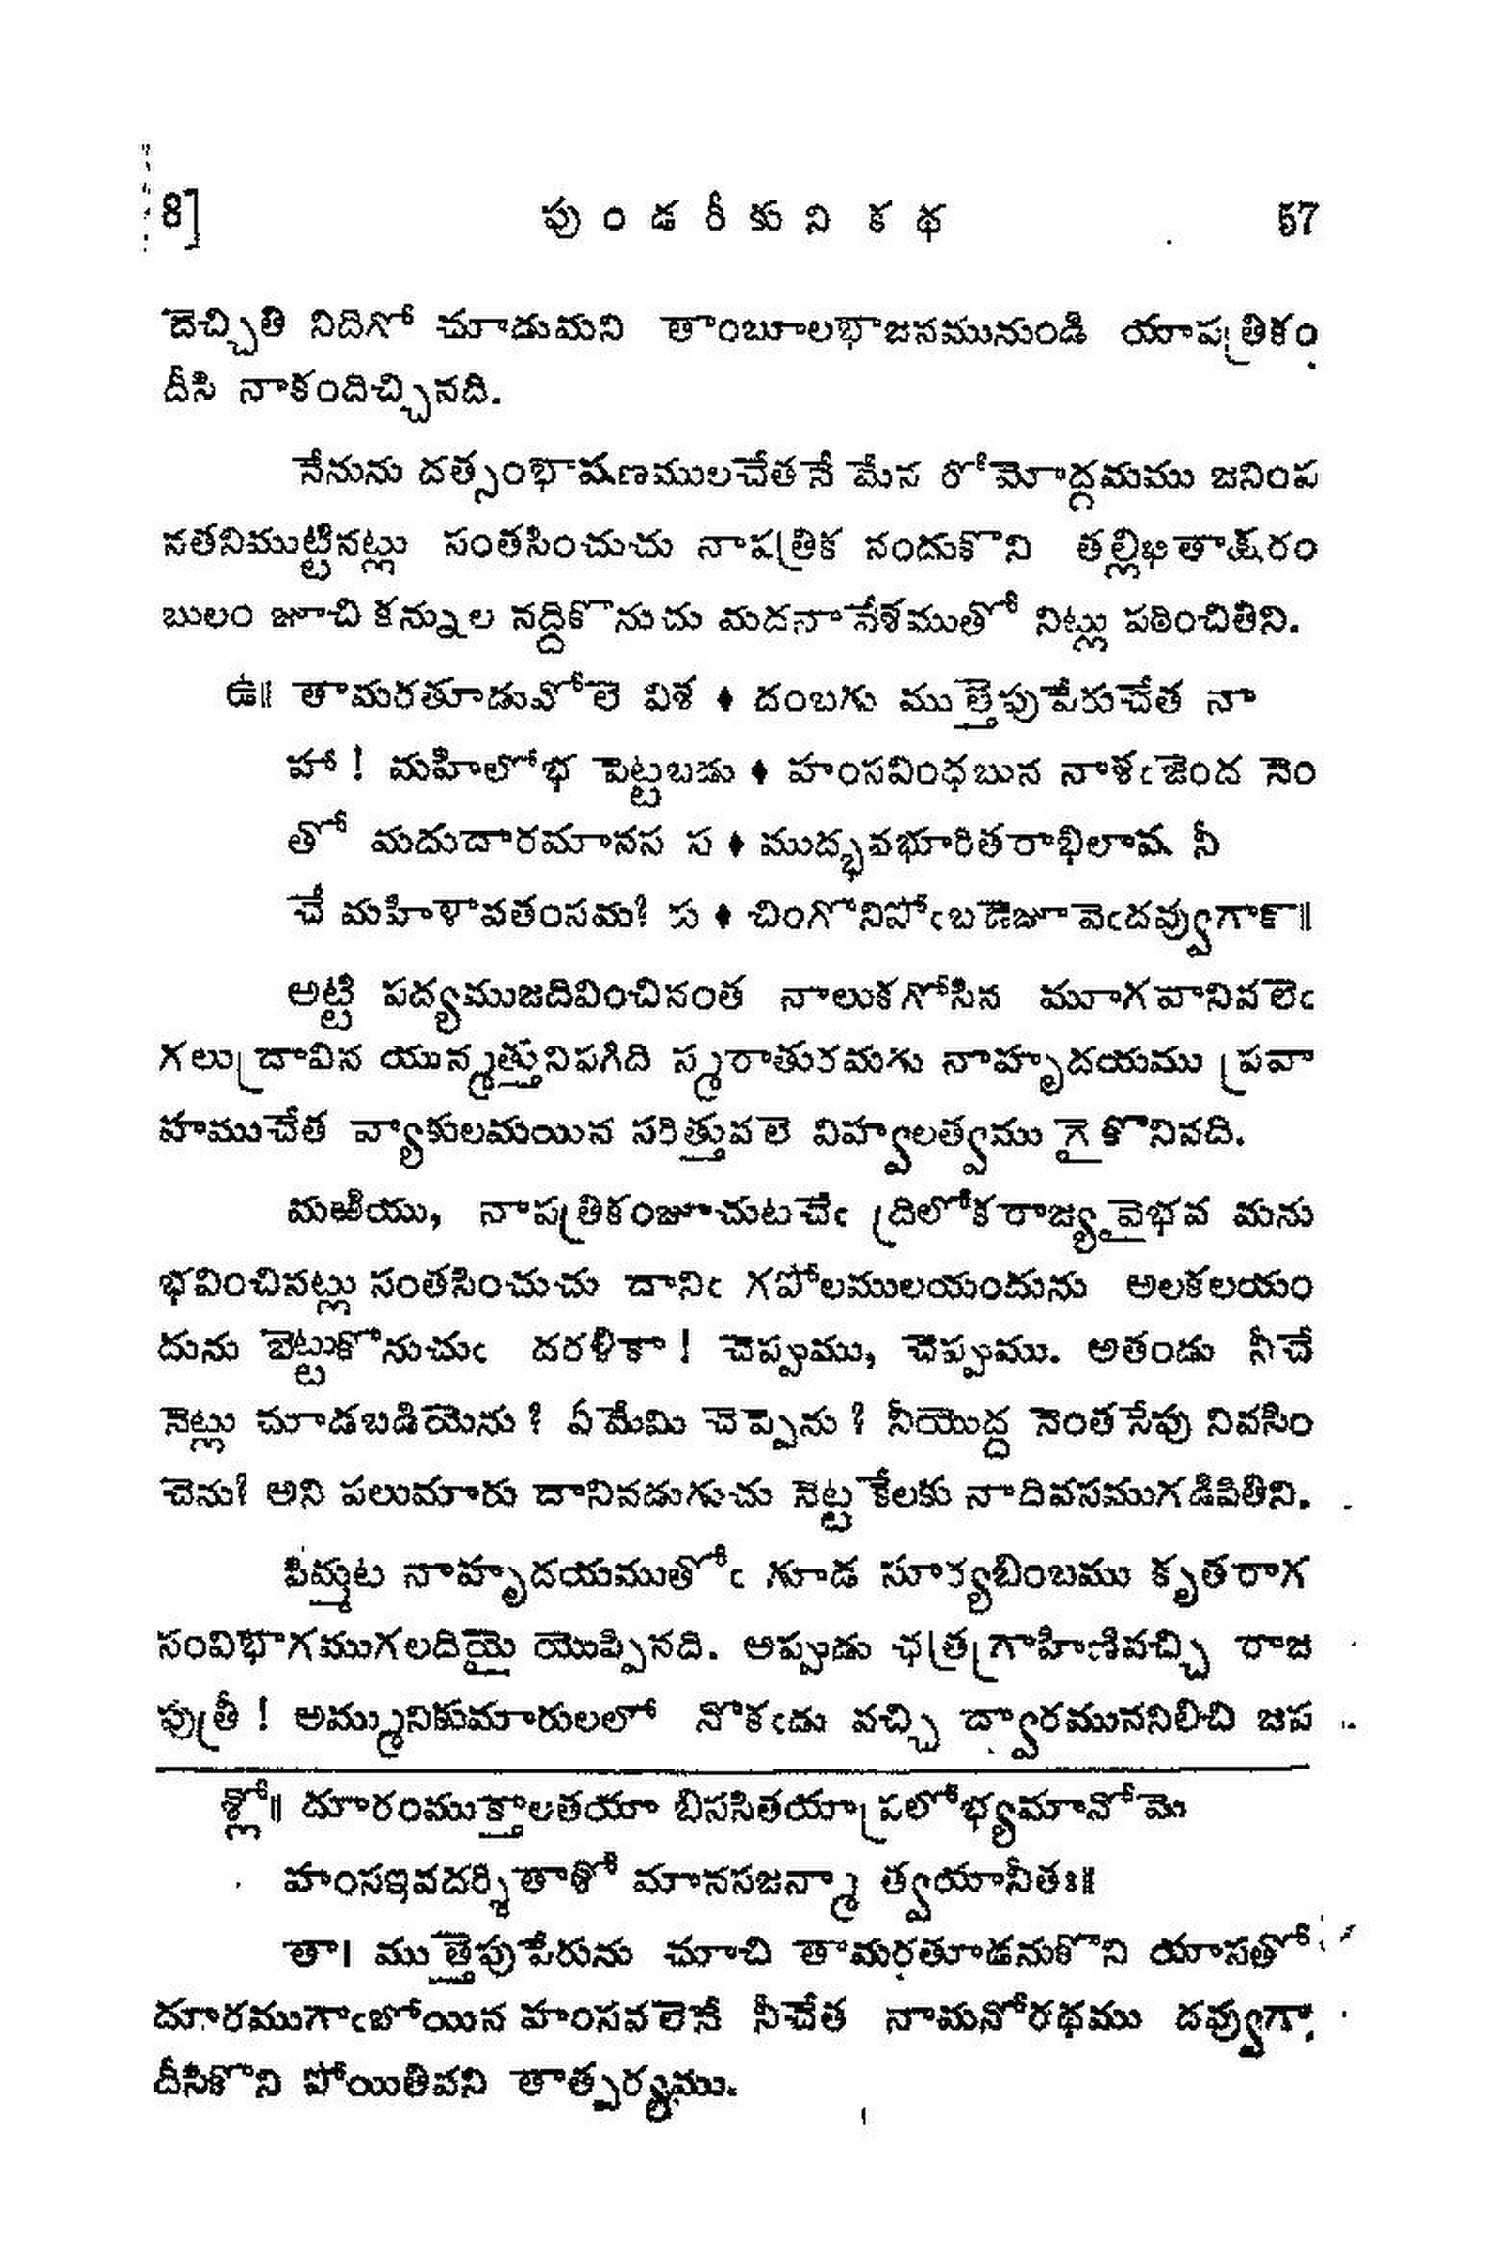దెచ్చితి నిదిగో చూడుమని తాంబూలభాజనమునుండి యాపత్రికం దీసి నాకందిచ్చినది.

నేనును దత్సంభాషణములచేతనే మేన రోమోద్గమము జనింప నతనిముట్టినట్లు సంతసించుచు నాపత్రిక నందుకొని తల్లిఖితాక్షరంబులం జూచి కన్నుల నద్దికొనుచు మదనావేశముతో నిట్లు పఠించితిని.

ఉ|| తామరతూడువోలె విశ ♦ దంబగు ముత్తెపుపేరుచేత నా
 హా! మహిలోభ పెట్టబడు ♦ హంసవింధబున నాశఁజెంద నెం
 తో మదుదారమానస స ♦ ముద్భవభూరితరాభిలాష నీ
 చే మహిళావతంసమ? రు ♦ చింగొనిపోఁబడెజూవెఁదవ్వుగాన్||
అట్టి పద్యముజదివించినంత నాలుకగోసిన మూగవానివలెఁ గలుద్రావిన యున్మత్తునిపగిది స్మరాతురమగు నాహృదయము ప్రవాహముచేత వ్యాకులమయిన సరిత్తువలె విహ్వలత్వము గైకొనినది.

మఱియు, నాపత్రికంజూచుటచేఁ ద్రిలోకరాజ్యవైభవ మనుభవించినట్లు సంతసించుచు దానిఁ గపోలములయందును అలకలయందును బెట్టుకొనుచుఁ దరళికా! చెప్పుము, చెప్పుము. అతండు నీచే నెట్లు చూడబడియెను? ఏమేమి చెప్పెను? నీయొద్ద నెంతసేపు నివసించెను? అని పలుమారు దానినడుగుచు నెట్ట కేలకు నాదివసముగడిపితిని.

పిమ్మట నాహృదయముతోఁ గూడ సూర్యబింబము కృతరాగ సంవిభాగముగలదియై యొప్పినది. అప్పుడు ఛత్రగ్రాహిణివచ్చి రాజపుత్రీ! అమ్మునికుమారులలో నొకఁడు వచ్చి ద్వారముననిలిచి జప

_________________________________________________________________________

శ్లో|| దూరంముక్తాలతయా బిససితయాప్రలోభ్యమావోమె
 హంసఇవదర్శితాశో మానసజన్మా త్వయానీతః||
తా! ముత్తెపుపేరును చూచి తామరతూడనుకొని యాసతో దూరముగాఁబోయిన హంసవలెనే నీచేత నామనోరథము దవ్వుగా దీసికొని పోయితివని తాత్పర్యము.